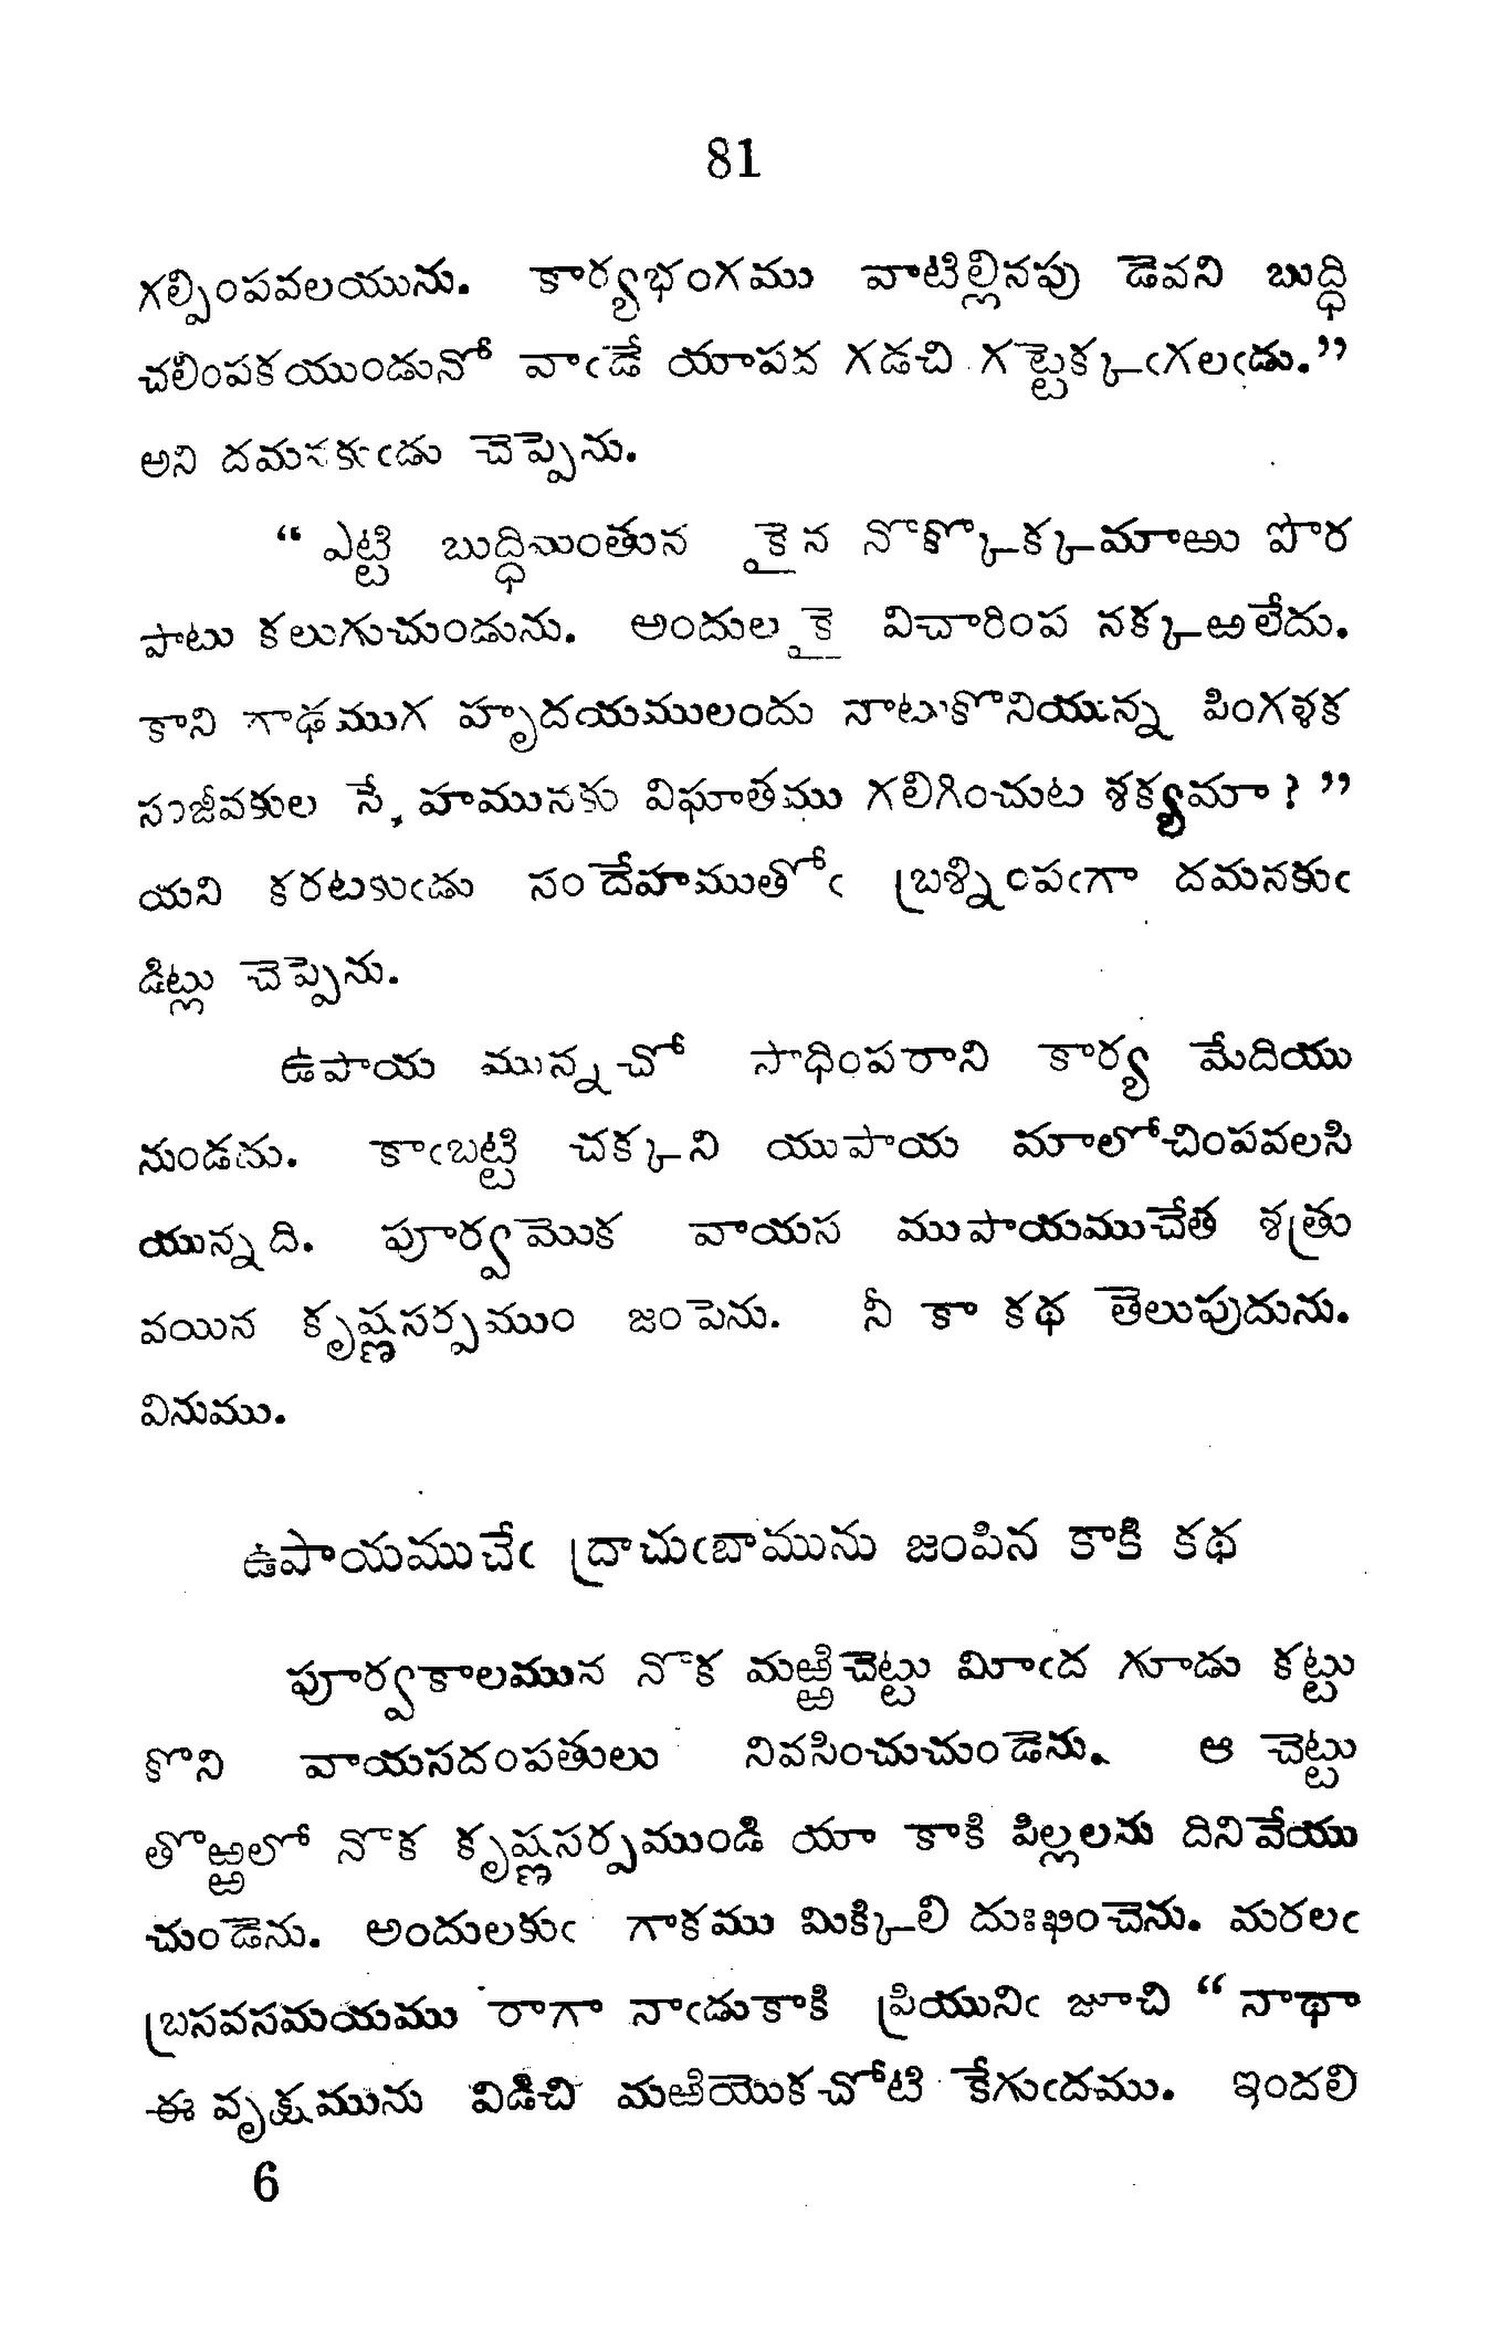గల్పింపవలయును. కార్యభంగము వాటిల్లినపు డెవని బుద్ధి చలింపకయుండునో వాడే యాపద గడచి గట్టెక్కగలడు." అని దమనకుడు చెప్పెను.

"ఎట్టి బుద్ధిమంతున కైన నొక్కొక్కమాఱు పొరపాటు కలుగుచుండును. అందులకై విచారింప నక్కఱలేదు. కాని గాఢముగ హృదయములందు నాటుకొనియున్న పింగళక సంజీవకుల స్నేహమునకు విఘాతము గలిగించుట శక్యమా?" యని కరటకుడు సందేహముతో బ్రశ్నింపగా దమనకు డిట్లు చెప్పెను.

ఉపాయ మున్నచో సాధింపరాని కార్య మేదియు నుండదు. కాబట్టి చక్కని యుపాయ మాలోచింపవలసి యున్నది. పూర్వమొక వాయస ముపాయముచేత శత్రువయిన కృష్ణసర్పముం జంపెను. నీ కా కథ తెలుపుదును. వినుము.

పూర్వకాలమున నొక మఱ్ఱిచెట్టు మీద గూడు కట్టుకొని వాయసదంపతులు నివసించుచుండెను. ఆ చెట్టు తొఱ్ఱలో నొక కృష్ణసర్పముండి యా కాకి పిల్లలను దినివేయు చుండెను. అందులకు గాకము మిక్కిలి దు:ఖించెను. మరల బ్రసవసమయము రాగా నాడుకాకి ప్రియుని జూచి "నాథా ఈ వృక్షమును విడిచి మఱియొక చోటి కేగుదుము. ఇందలి